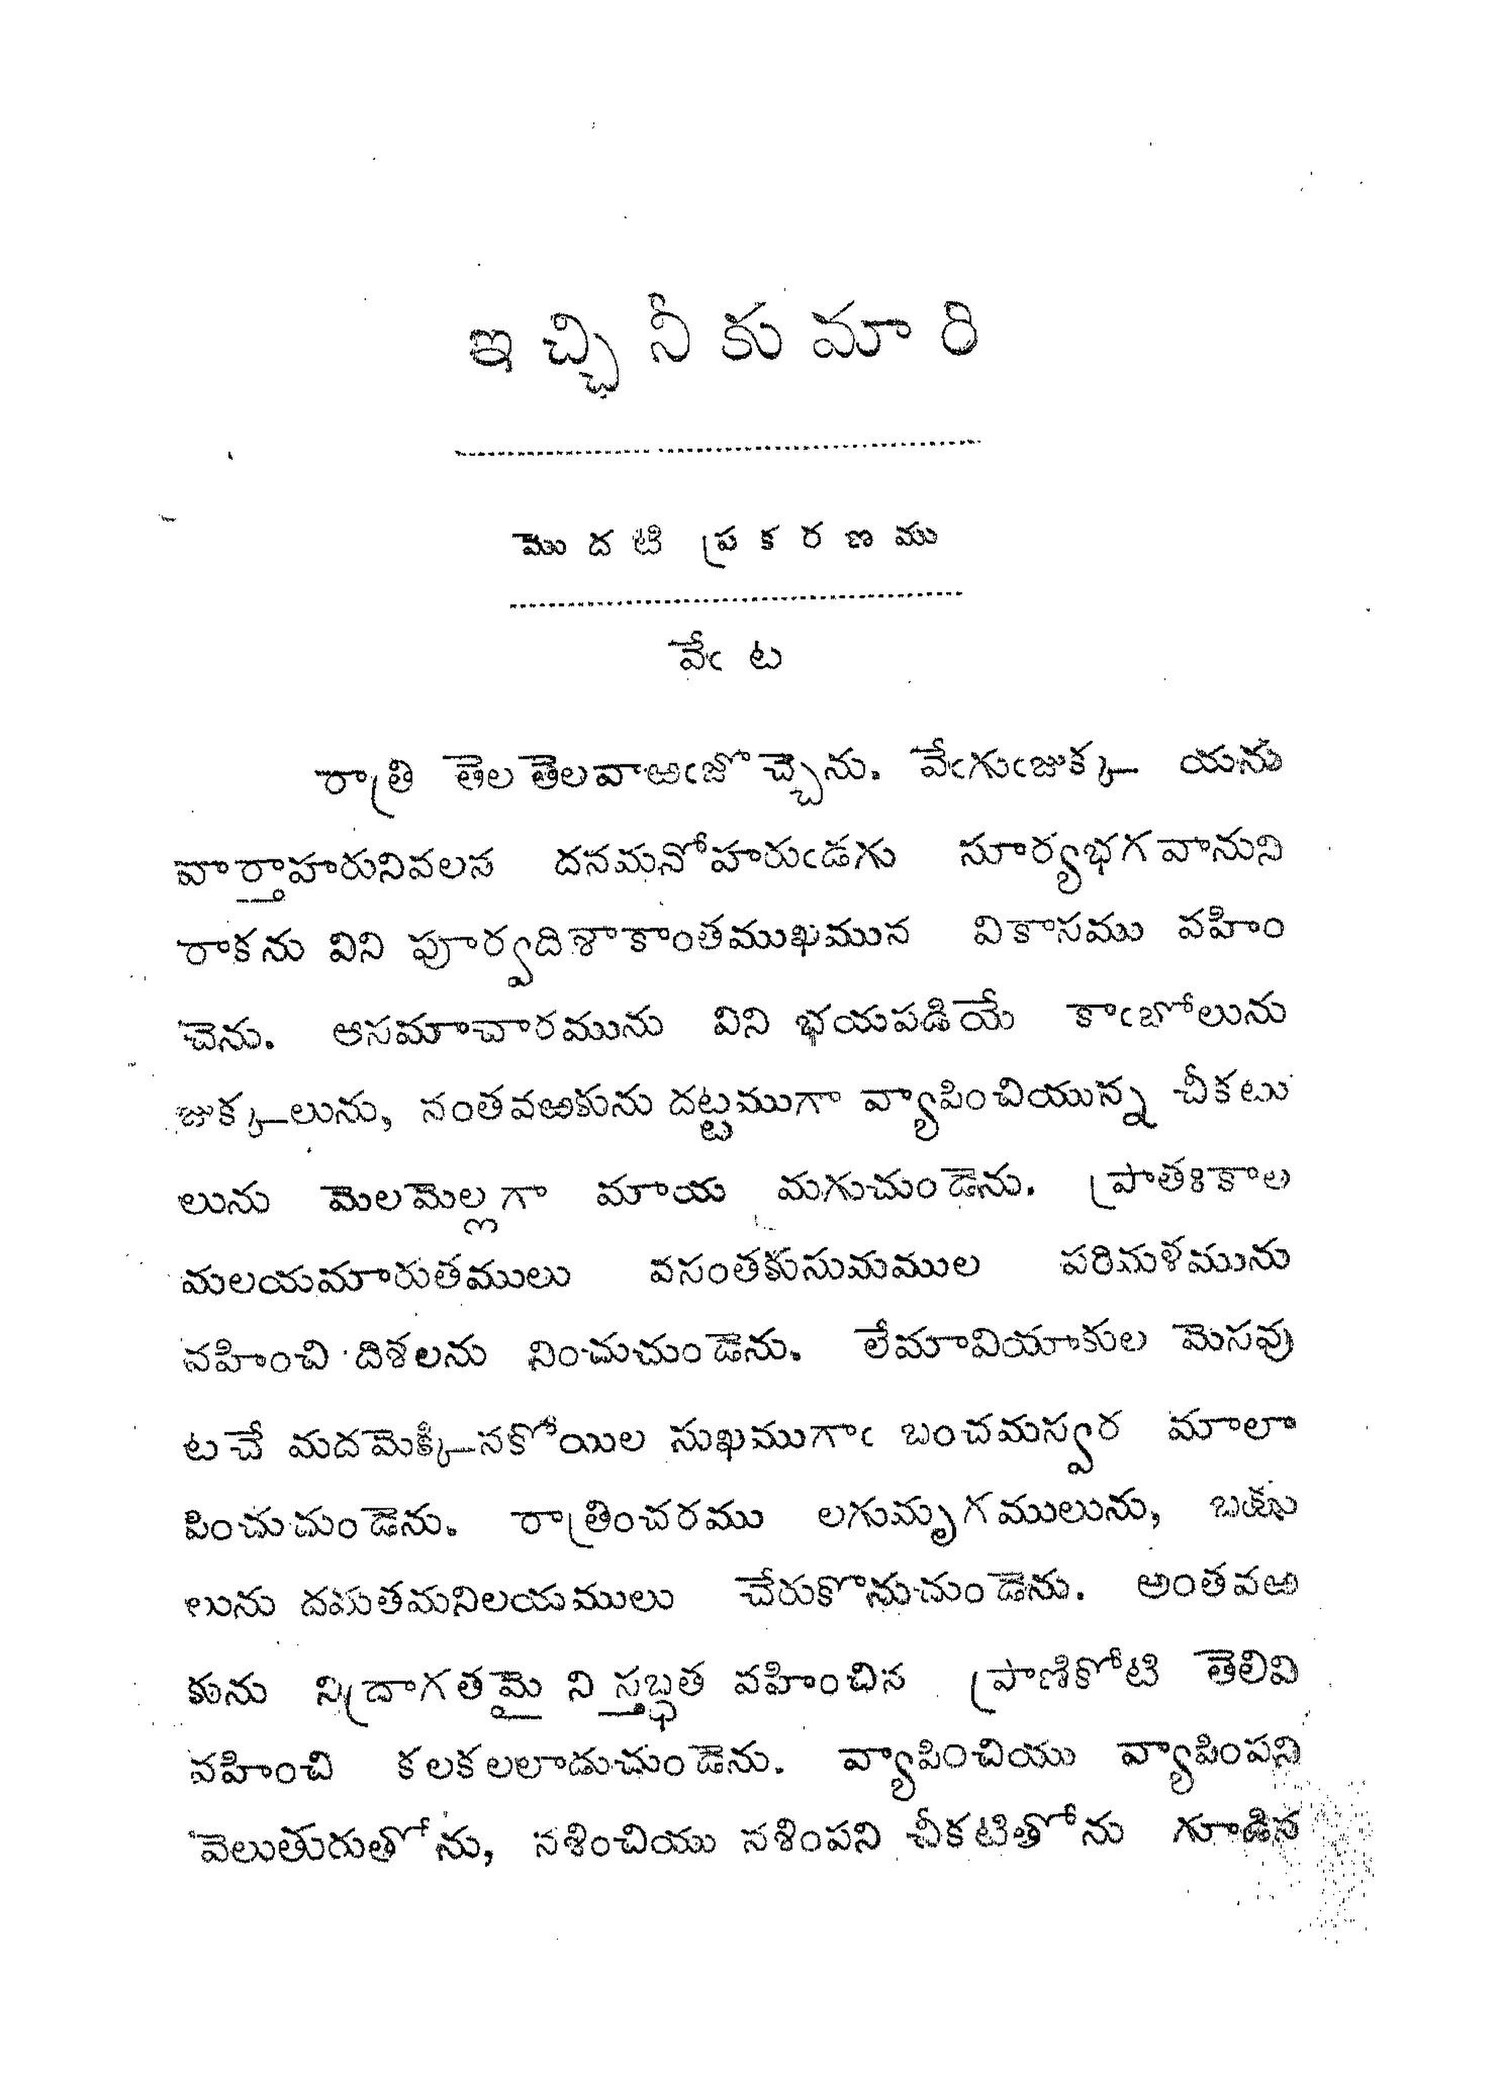ఇచ్ఛినీకుమారి 

రాత్రి తెలతెలవాఱఁజొచ్చెను. వేఁగుఁజుక్క యను వార్తాహరునివలన దనమనోహరుఁడగు సూర్యభగవానుని రాకను విని పూర్వదిశాకాంతముఖమున వికాసము వహించెను. ఆసమాచారమును విని భయపడియే కాఁబోలును జుక్కలును, నంతవఱకును దట్టముగా వ్యాపించియున్న చీకటులును మెలమెల్లగా మాయ మగుచుండెను. ప్రాతఃకాల మలయమారుతములు వసంతకుసుమముల పరిమళమును వహించి దిశలను నించుచుండెను. లేమావియాకుల మెసవుటచే మదమెక్కినకోయిల సుఖముగాఁ బంచమస్వర మాలాపించుచుండెను. రాత్రించరము లగుమృగములును, బక్షులును దమతమనిలయములు చేరుకొనుచుండెను. అంతవఱకును నిద్రాగతమై నిస్తబ్ధత వహించిన ప్రాణికోటి తెలివి వహించి కలకలలాడుచుండెను. వ్యాపించియు వ్యాపింపని వెలుతురుతోను, నశించియు నశింపని చీకటితోను గూడిన